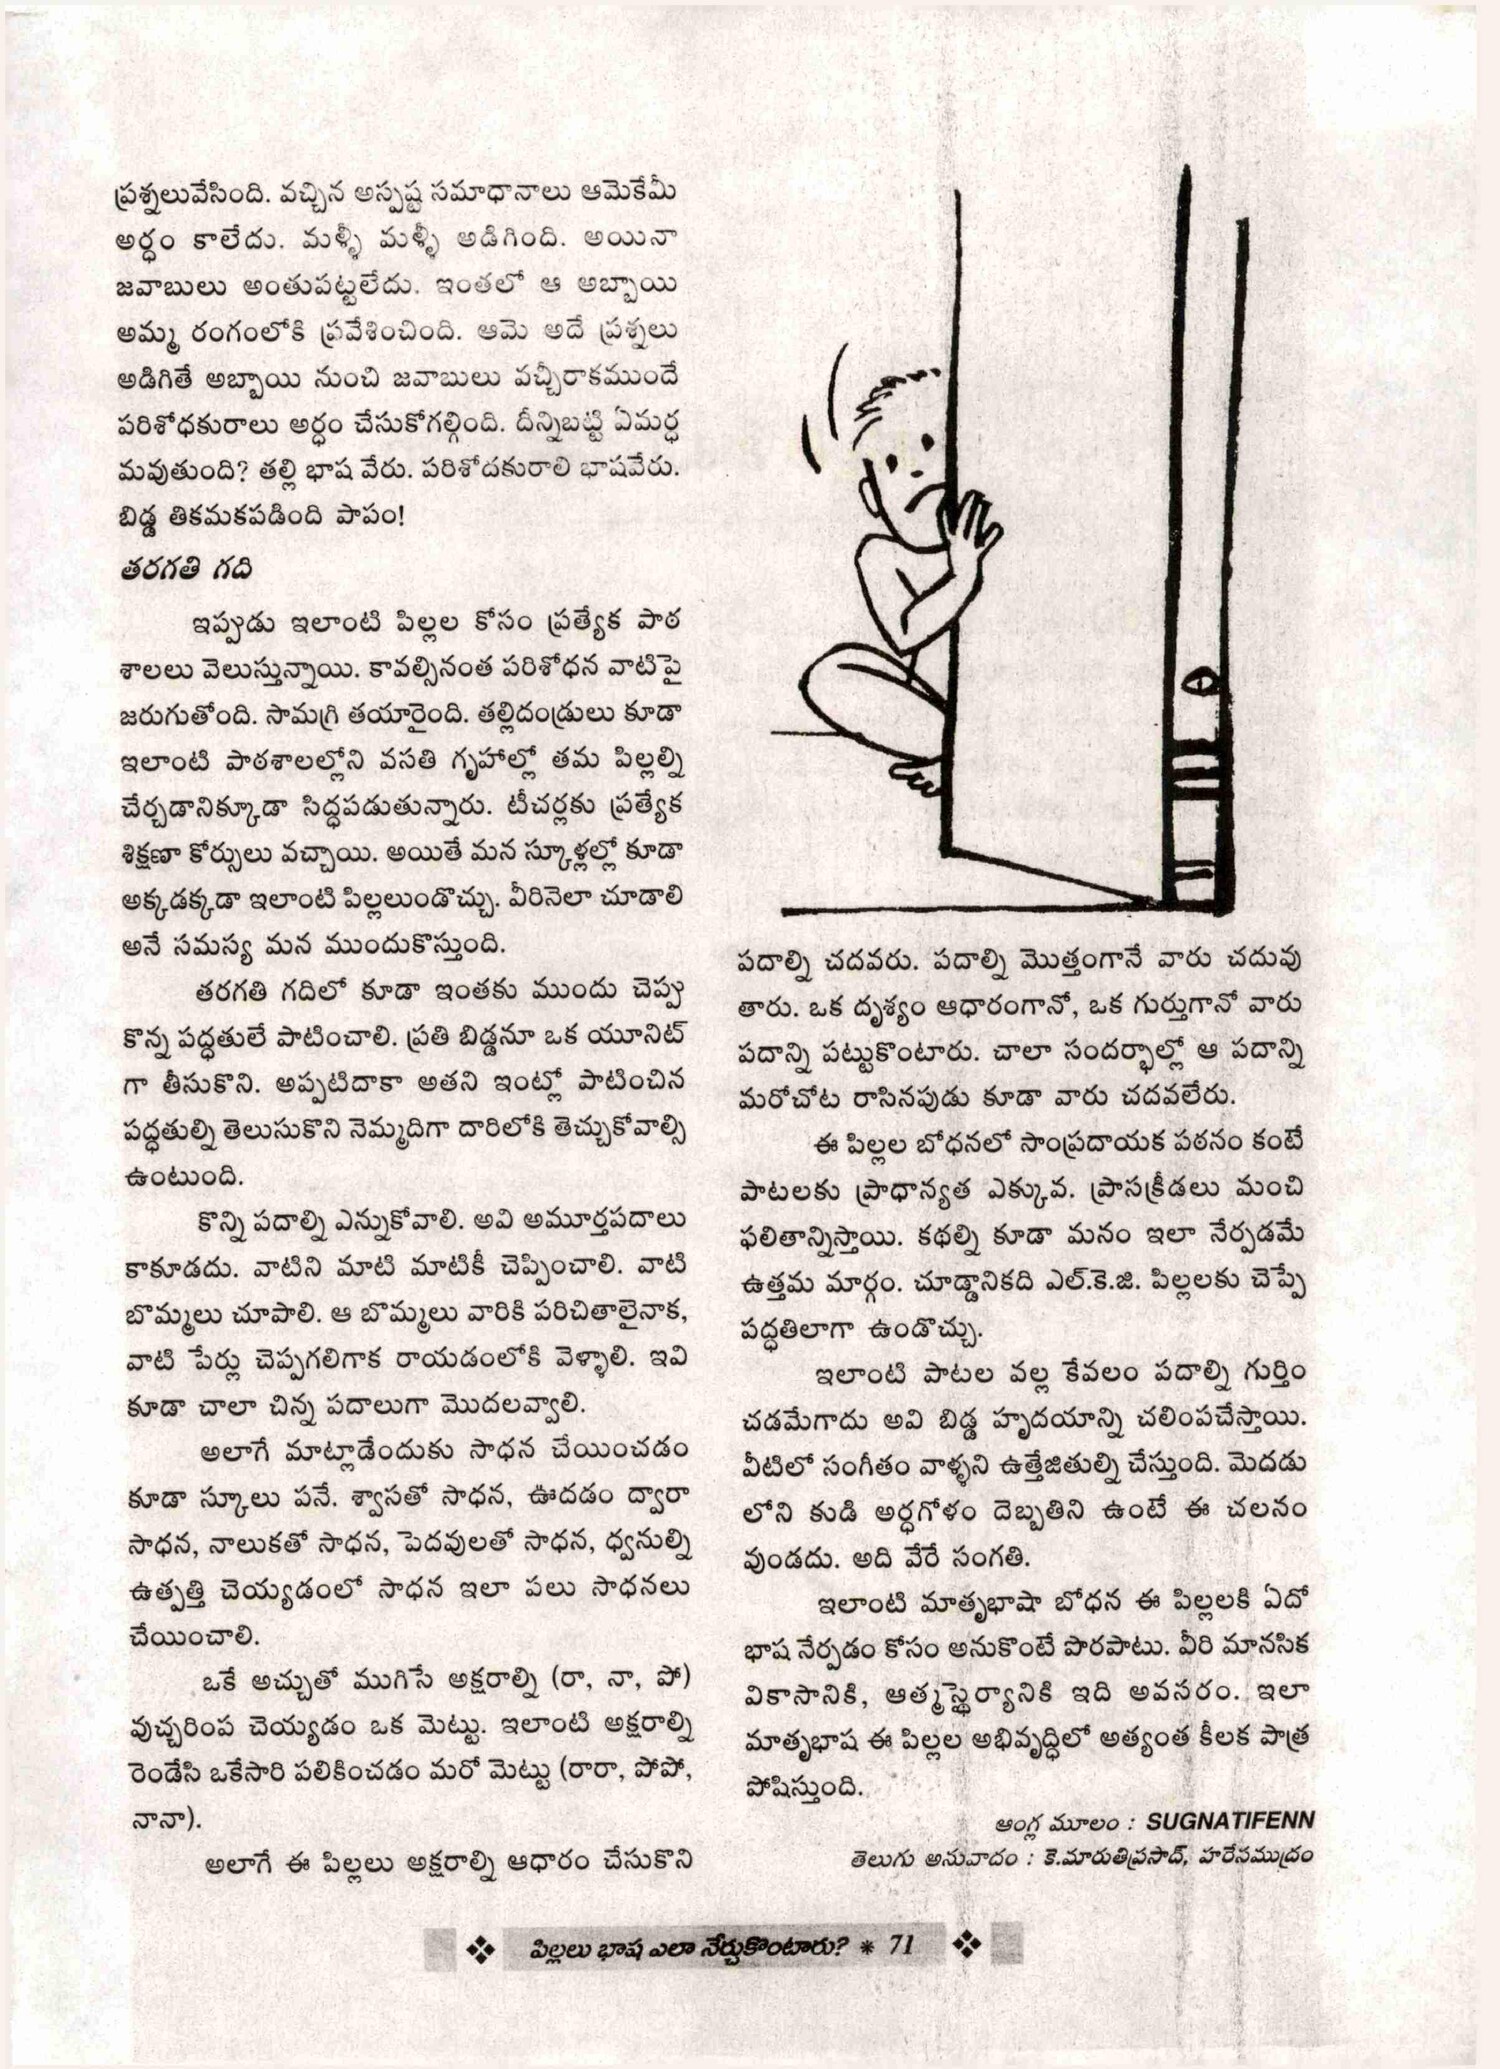ప్రశ్నలువేసింది. వచ్చిన అస్పష్ట సమాధానాలు ఆమెకేమీ అర్ధం కాలేదు. మళ్ళీ మళ్ళీ అడిగింది. అయినా జవాబులు అంతుపట్టలేదు. ఇంతలో ఆ అబ్బాయి అమ్మ రంగంలోకి ప్రవేశించింది. ఆమె అదే ప్రశ్నలు అడిగితే అబ్బాయి నుంచి జవాబులు వచ్చీరాకముందే పరిశోధకురాలు అర్ధం చేసుకోగల్గింది. దీన్నిబట్టి ఏమర్ధమవుతుంది? తల్లి భాష వేరు. పరిశోధకురాలి భాషవేరు. బిడ్డ తికమకపడింది పాపం!

తరగతి గది

ఇప్పుడు ఇలాంటి పిల్లల కోసం ప్రత్యేక పాఠశాలలు వెలుస్తున్నాయి. కావల్సినంత పరిశోధన వాటిపై జరుగుతోంది. సామగ్రి తయారైంది. తల్లిదండ్రులు కూడా ఇలాంటి పాఠశాలల్లోని వసతి గృహాల్లో తమ పిల్లల్ని చేర్చడానిక్కూడా సిద్ధపడుతున్నారు. టీచర్లకు ప్రత్యేక శిక్షణా కోర్సులు వచ్చాయి. అయితే మన స్కూళ్లల్లో కూడా అక్కడక్కడా ఇలాంటి పిల్లలుండొచ్చు. వీరినెలా చూడాలి అనే సమస్య మన ముందుకొస్తుంది.

తరగతి గదిలో కూడా ఇంతకు ముందు చెప్పుకొన్న పద్ధతులే పాటించాలి. ప్రతి బిడ్డనూ ఒక యూనిట్‌గా తీసుకొని. అప్పటిదాకా అతని ఇంట్లో పాటించిన పద్ధతుల్ని తెలుసుకొని నెమ్మదిగా దారిలోకి తెచ్చుకోవాల్సి ఉంటుంది.

కొన్ని పదాల్ని ఎన్నుకోవాలి. అవి అమూర్తపదాలు కాకూడదు. వాటిని మాటి మాటికీ చెప్పించాలి. వాటి బొమ్మలు చూపాలి. ఆ బొమ్మలు వారికి పరిచితాలైనాక, వాటి పేర్లు చెప్పగలిగాక రాయడంలోకి వెళ్ళాలి. ఇవి కూడా చాలా చిన్న పదాలుగా మొదలవ్వాలి.

అలాగే మాట్లాడేందుకు సాధన చేయించడం కూడా స్కూలు పనే. శ్వాసతో సాధన, ఊదడం ద్వారా సాధన, నాలుకతో సాధన, పెదవులతో సాధన, ధ్వనుల్ని ఉత్పత్తి చెయ్యడంలో సాధన ఇలా పలు సాధనలు చేయించాలి.

ఒకే అచ్చుతో ముగిసే అక్షరాల్ని (రా, నా, పో) వుచ్చరింప చెయ్యడం ఒక మెట్టు. ఇలాంటి అక్షరాల్ని రెండేసి ఒకేసారి పలికించడం మరో మెట్టు (రారా, పోపో, నానా).

అలాగే ఈ పిల్లలు అక్షరాల్ని ఆధారం చేసుకొని పదాల్ని చదవరు. పదాల్ని మొత్తంగానే వారు చదువుతారు. ఒక దృశ్యం ఆధారంగానో, ఒక గుర్తుగానో వారు పదాన్ని పట్టుకొంటారు. చాలా సందర్భాల్లో ఆ పదాన్ని మరోచోట రాసినపుడు కూడా వారు చదవలేరు.

ఈ పిల్లల బోధనలో సాంప్రదాయక పఠనం కంటే పాటలకు ప్రాధాన్యత ఎక్కువ. ప్రాసక్రీడలు మంచి ఫలితాన్నిస్తాయి. కథల్ని కూడా మనం ఇలా నేర్పడమే ఉత్తమ మార్గం. చూడ్డానికది ఎల్.కె.జి. పిల్లలకు చెప్పే పద్ధతిలాగా ఉండొచ్చు.

ఇలాంటి పాటల వల్ల కేవలం పదాల్ని గుర్తించడమేగాదు అవి బిడ్డ హృదయాన్ని చలింపచేస్తాయి. వీటిలో సంగీతం వాళ్ళని ఉత్తేజితుల్ని చేస్తుంది. మెదడులోని కుడి అర్ధగోళం దెబ్బతిని ఉంటే ఈ చలనం వుండదు. అది వేరే సంగతి.

ఇలాంటి మాతృభాషా బోధన ఈ పిల్లలకి ఏదో భాష నేర్పడం కోసం అనుకొంటే పొరపాటు. వీరి మానసిక వికాసానికి, ఆత్మస్థైర్యానికి ఇది అవసరం. ఇలా మాతృభాష ఈ పిల్లల అభివృద్ధిలో అత్యంత కీలక పాత్ర పోషిస్తుంది.